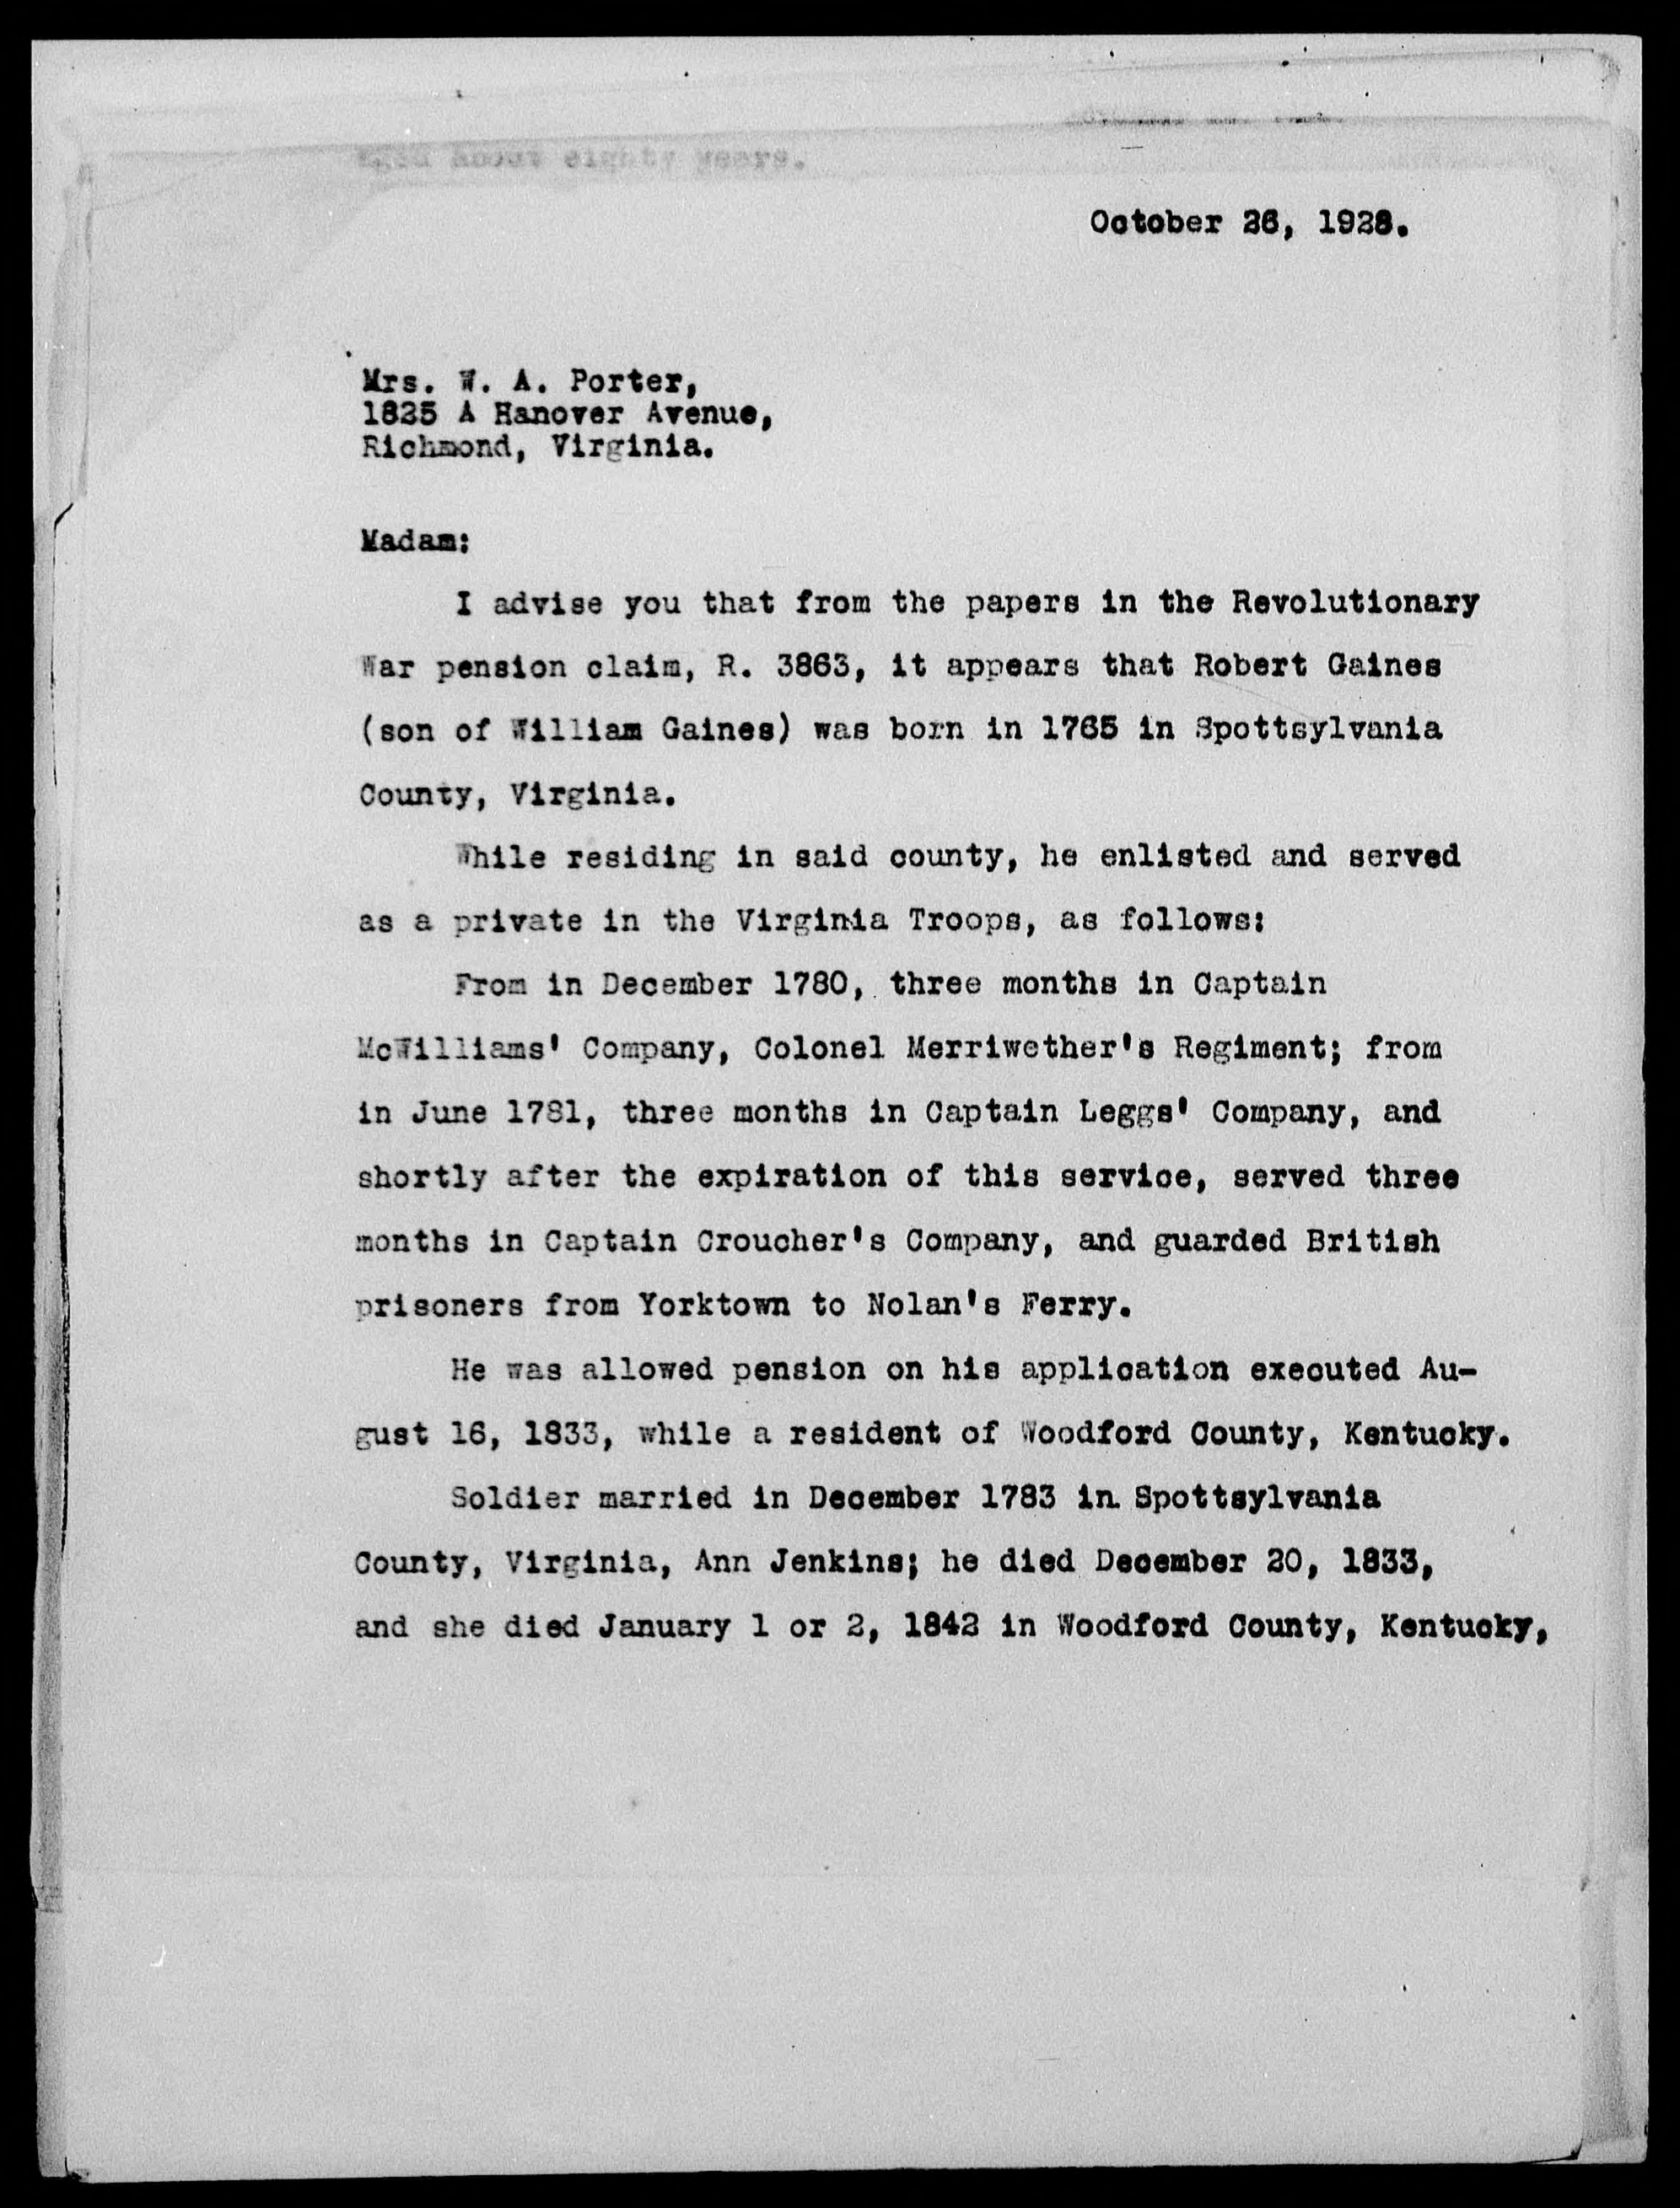Madam:
---
October 26, 1928.
Mrs. W. A. Porter,
1825 A Hanover Avenue,
Richmond, Virginia.
I advise you that from the papers in the Revolutionary War
pension claim, R. 3863, it appears that Robert Gaines
(son of William Gaines) was born in 1765 in Spottsylvania
County, Virginia.
While residing in said county, he enlisted and served
as a private in the Virginia Troops, as follows:
From in December 1780, three months in Captain
McWilliams' Company, Colonel Merriwether's Regiment; from
in June 1781, three months in Captain Leggs' Company, and
shortly after the expiration of this service, served three
months in Captain Croucher's Company, and guarded British
prisoners from Yorktown to Nolan's Ferry,
He was allowed pension on his application executed August
16, 1833, while a resident of Woodford County, Kentucky.
Soldier married in December 1783 in Spottsylvania
County, Virginia, Ann Jenkins; he died December 20, 1833,
and she died January 1 or 2, 1842 in Woodford County, Kentucky,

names: W A Porter, Ann Jenkins, William Gaines, Robert Gaines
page: 27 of 79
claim: rejected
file: R. 3863, Robert Gaines, Va.